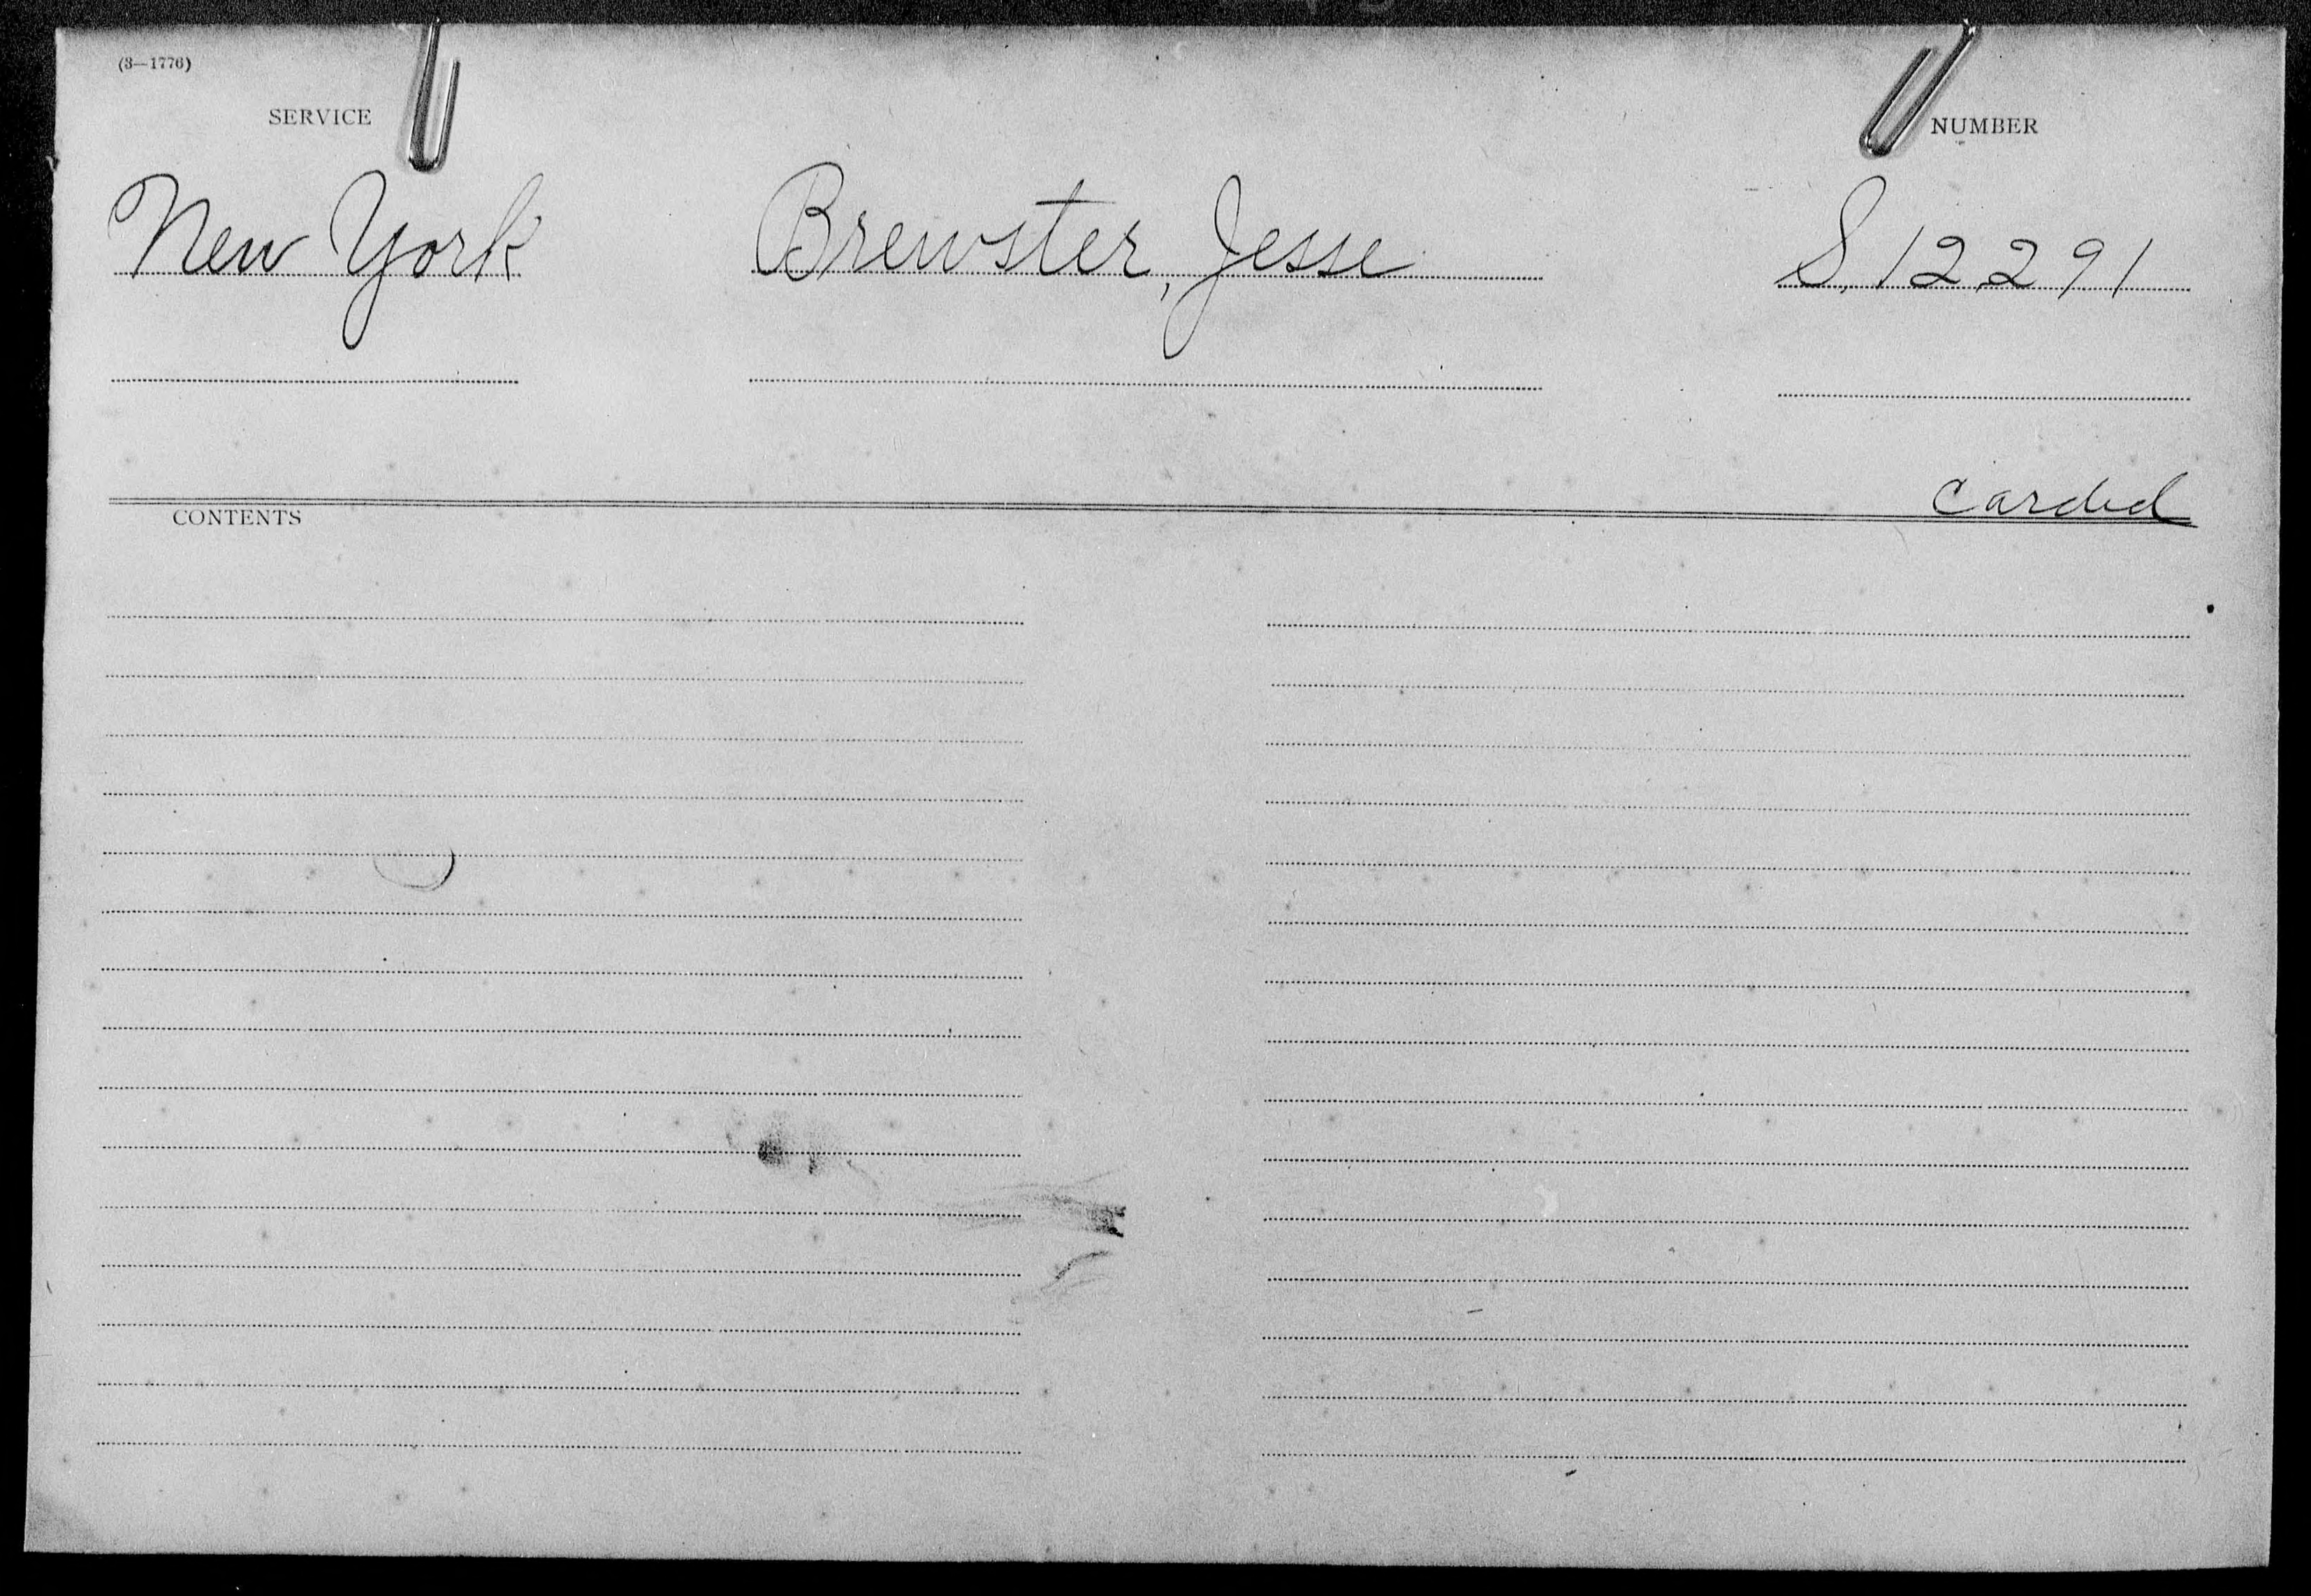New York
Brewster, Jesse 
S12291
carded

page: 1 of 26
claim: survivor's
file: S. 12,291, Jesse Brewster, New York